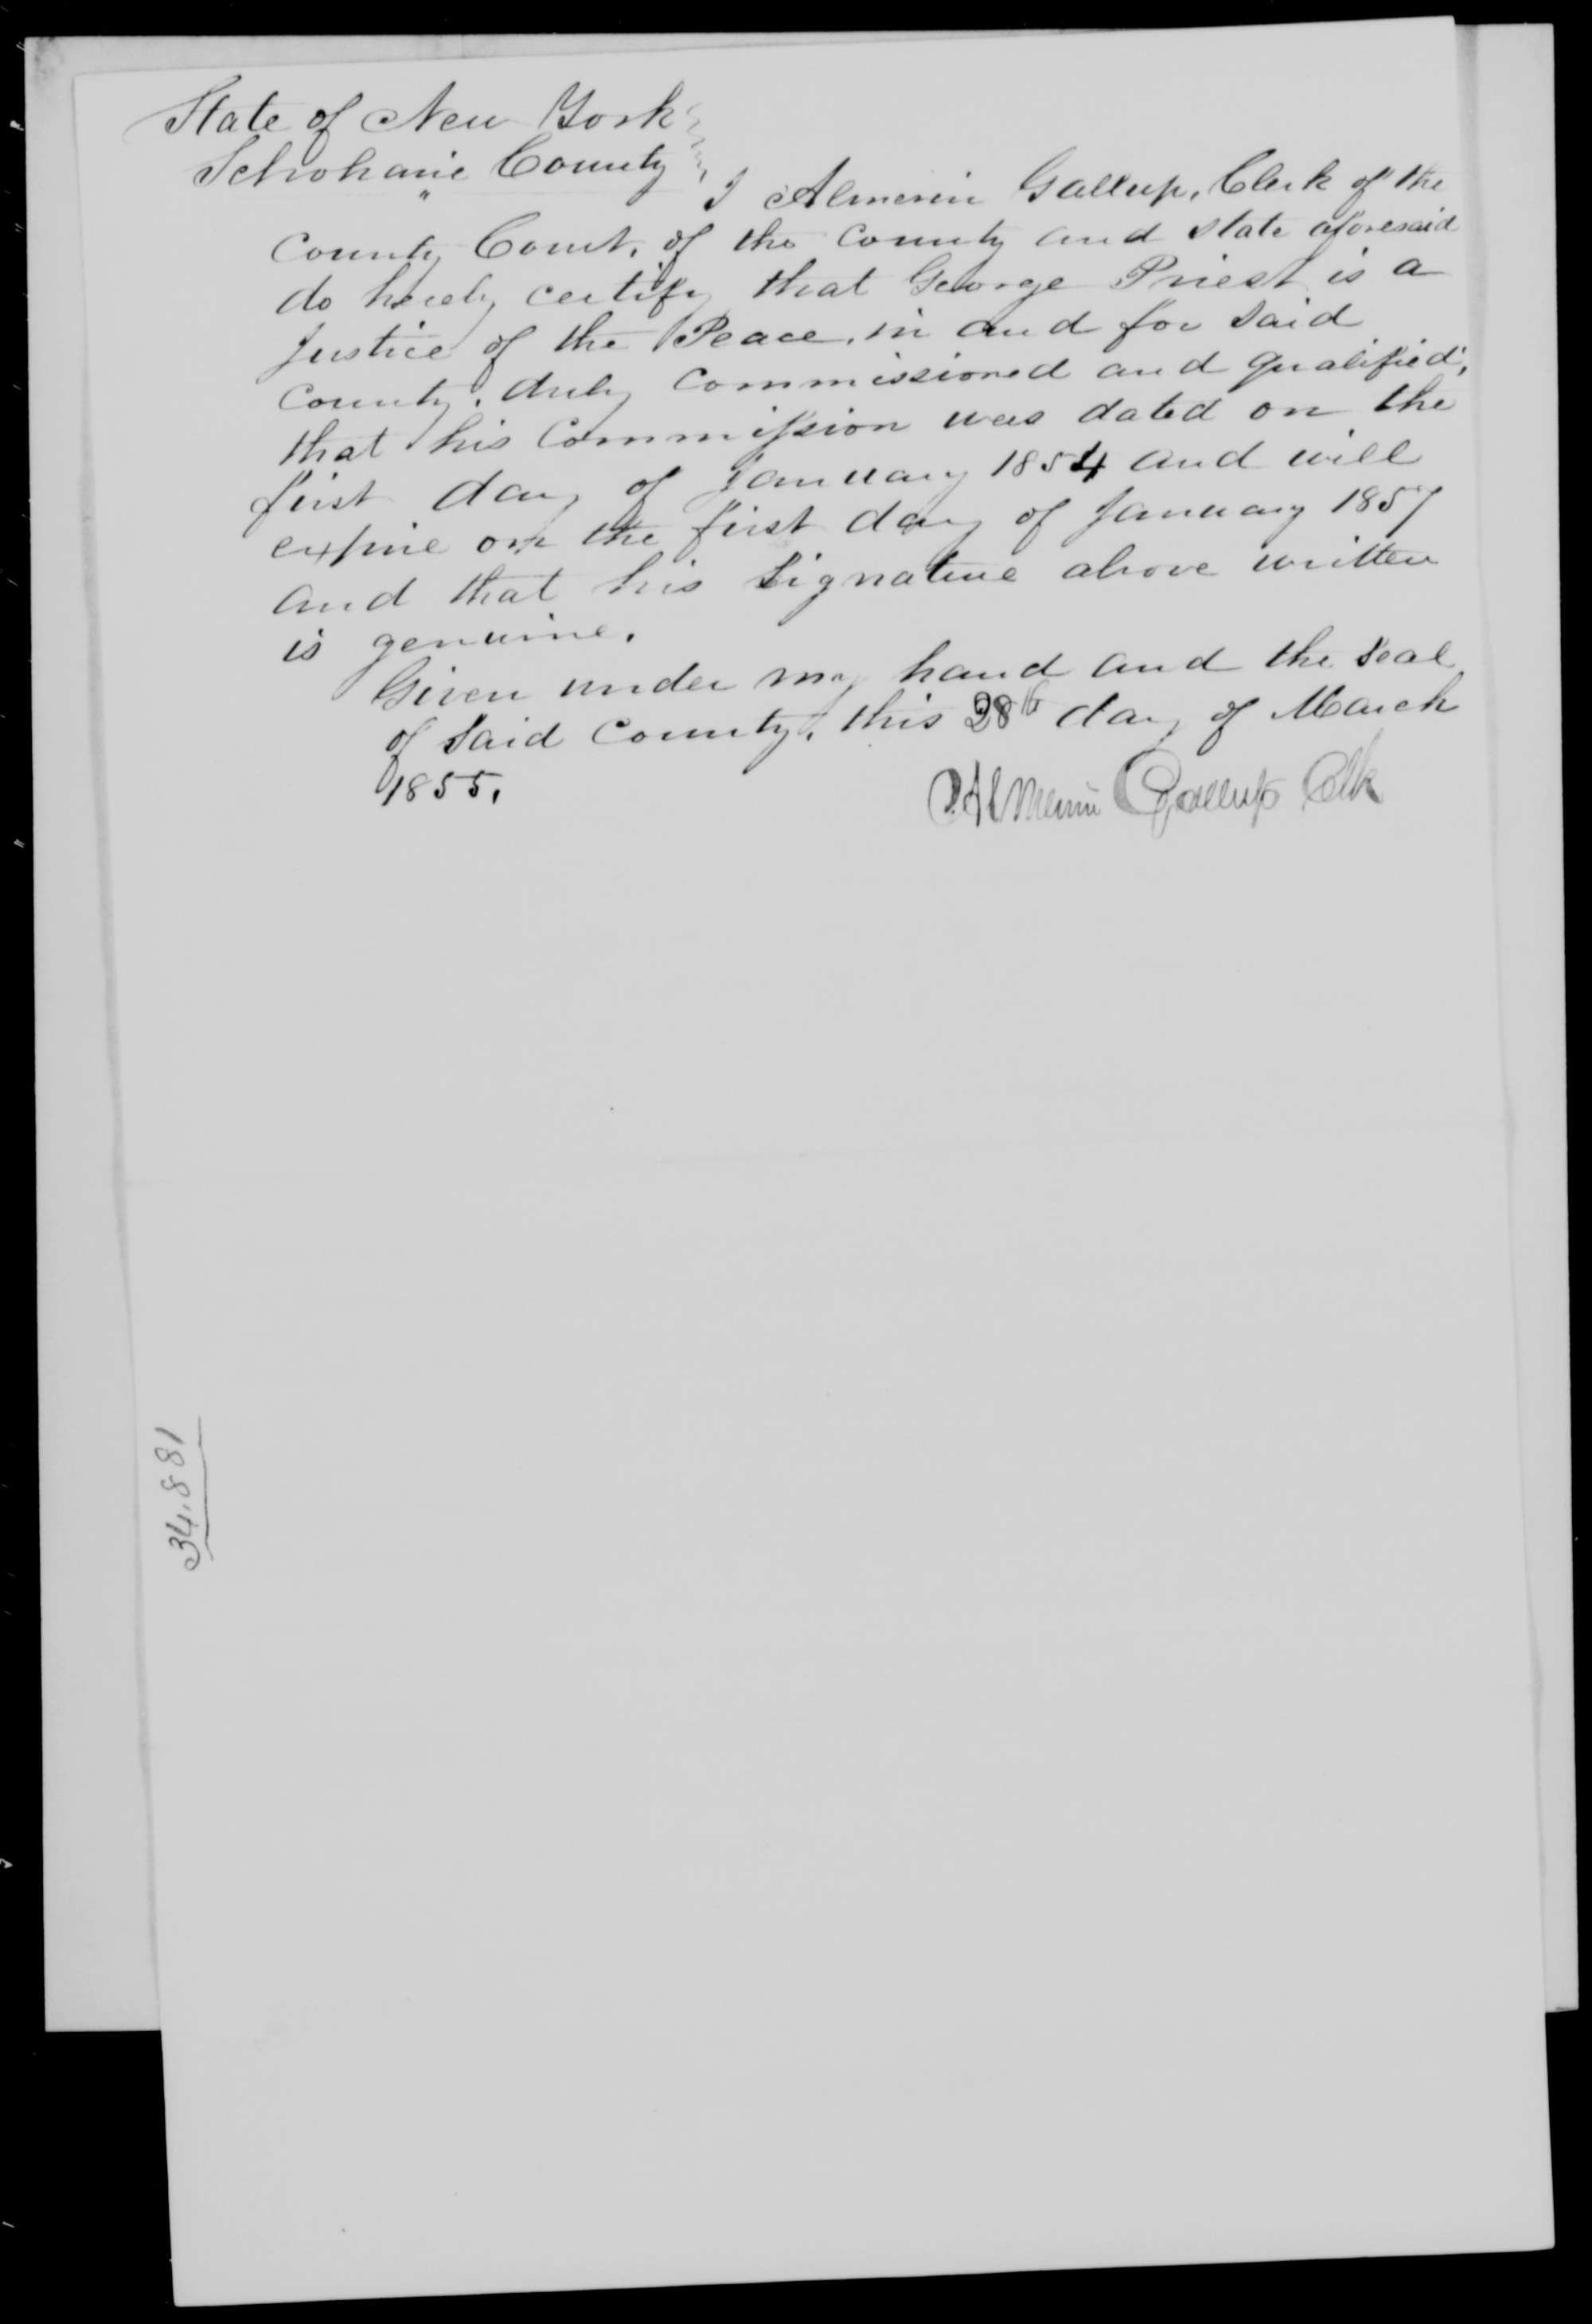St.
1887
late of New York
Schoharie County
Almerin Gallup, Clerk of the
County Court of the County and State aforesaid
do hereby certify that George Priest is a
Justice of the Peace in and for said
County duly commissioned and qualified;
that this Commission was dated on the
first day of January 1854 and will
expire on the first day of January 1857
and that his signature above written
is genuine
Given under my hand and the seal
of said County this 28th day of March
1855,
Almarin Gallup Clk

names: Almerin Gallup, George Priest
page: 13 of 67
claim: widow's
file: W. 7379, George Young, New Jersey